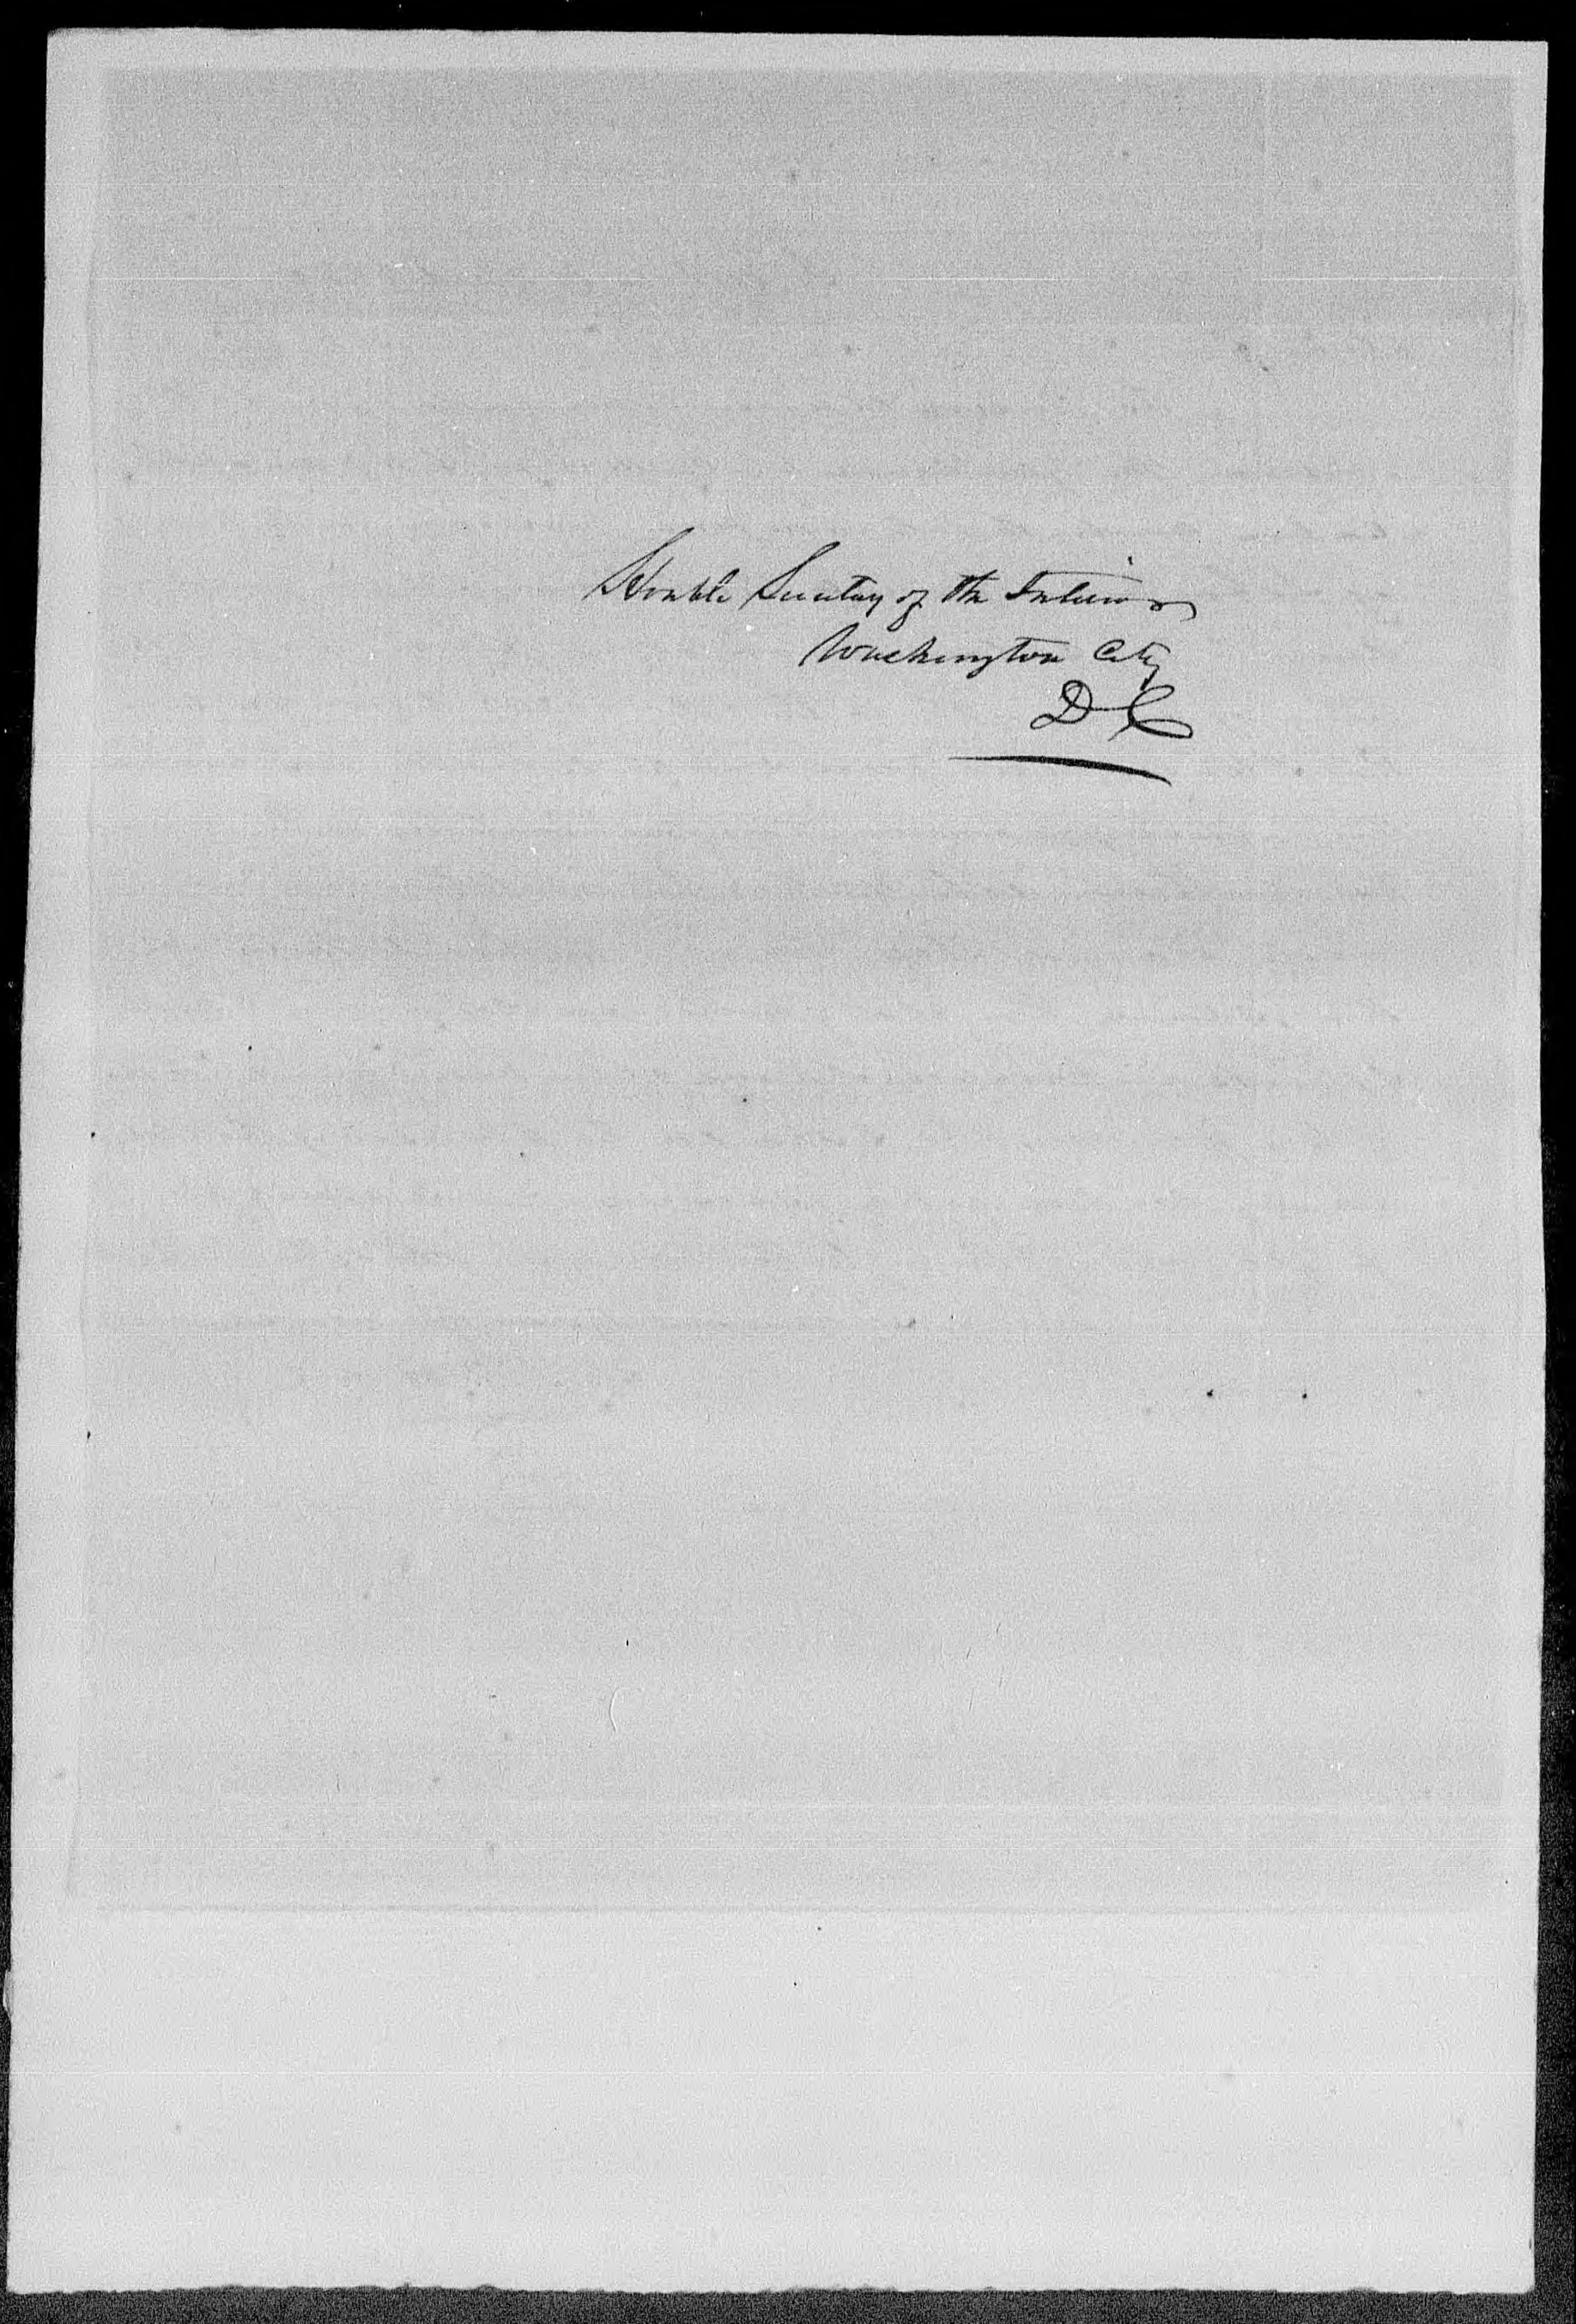Honorable Secretary of the Interior
Washington City
DC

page: 37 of 80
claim: widow's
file: W 2070, John Crawford, Penn.